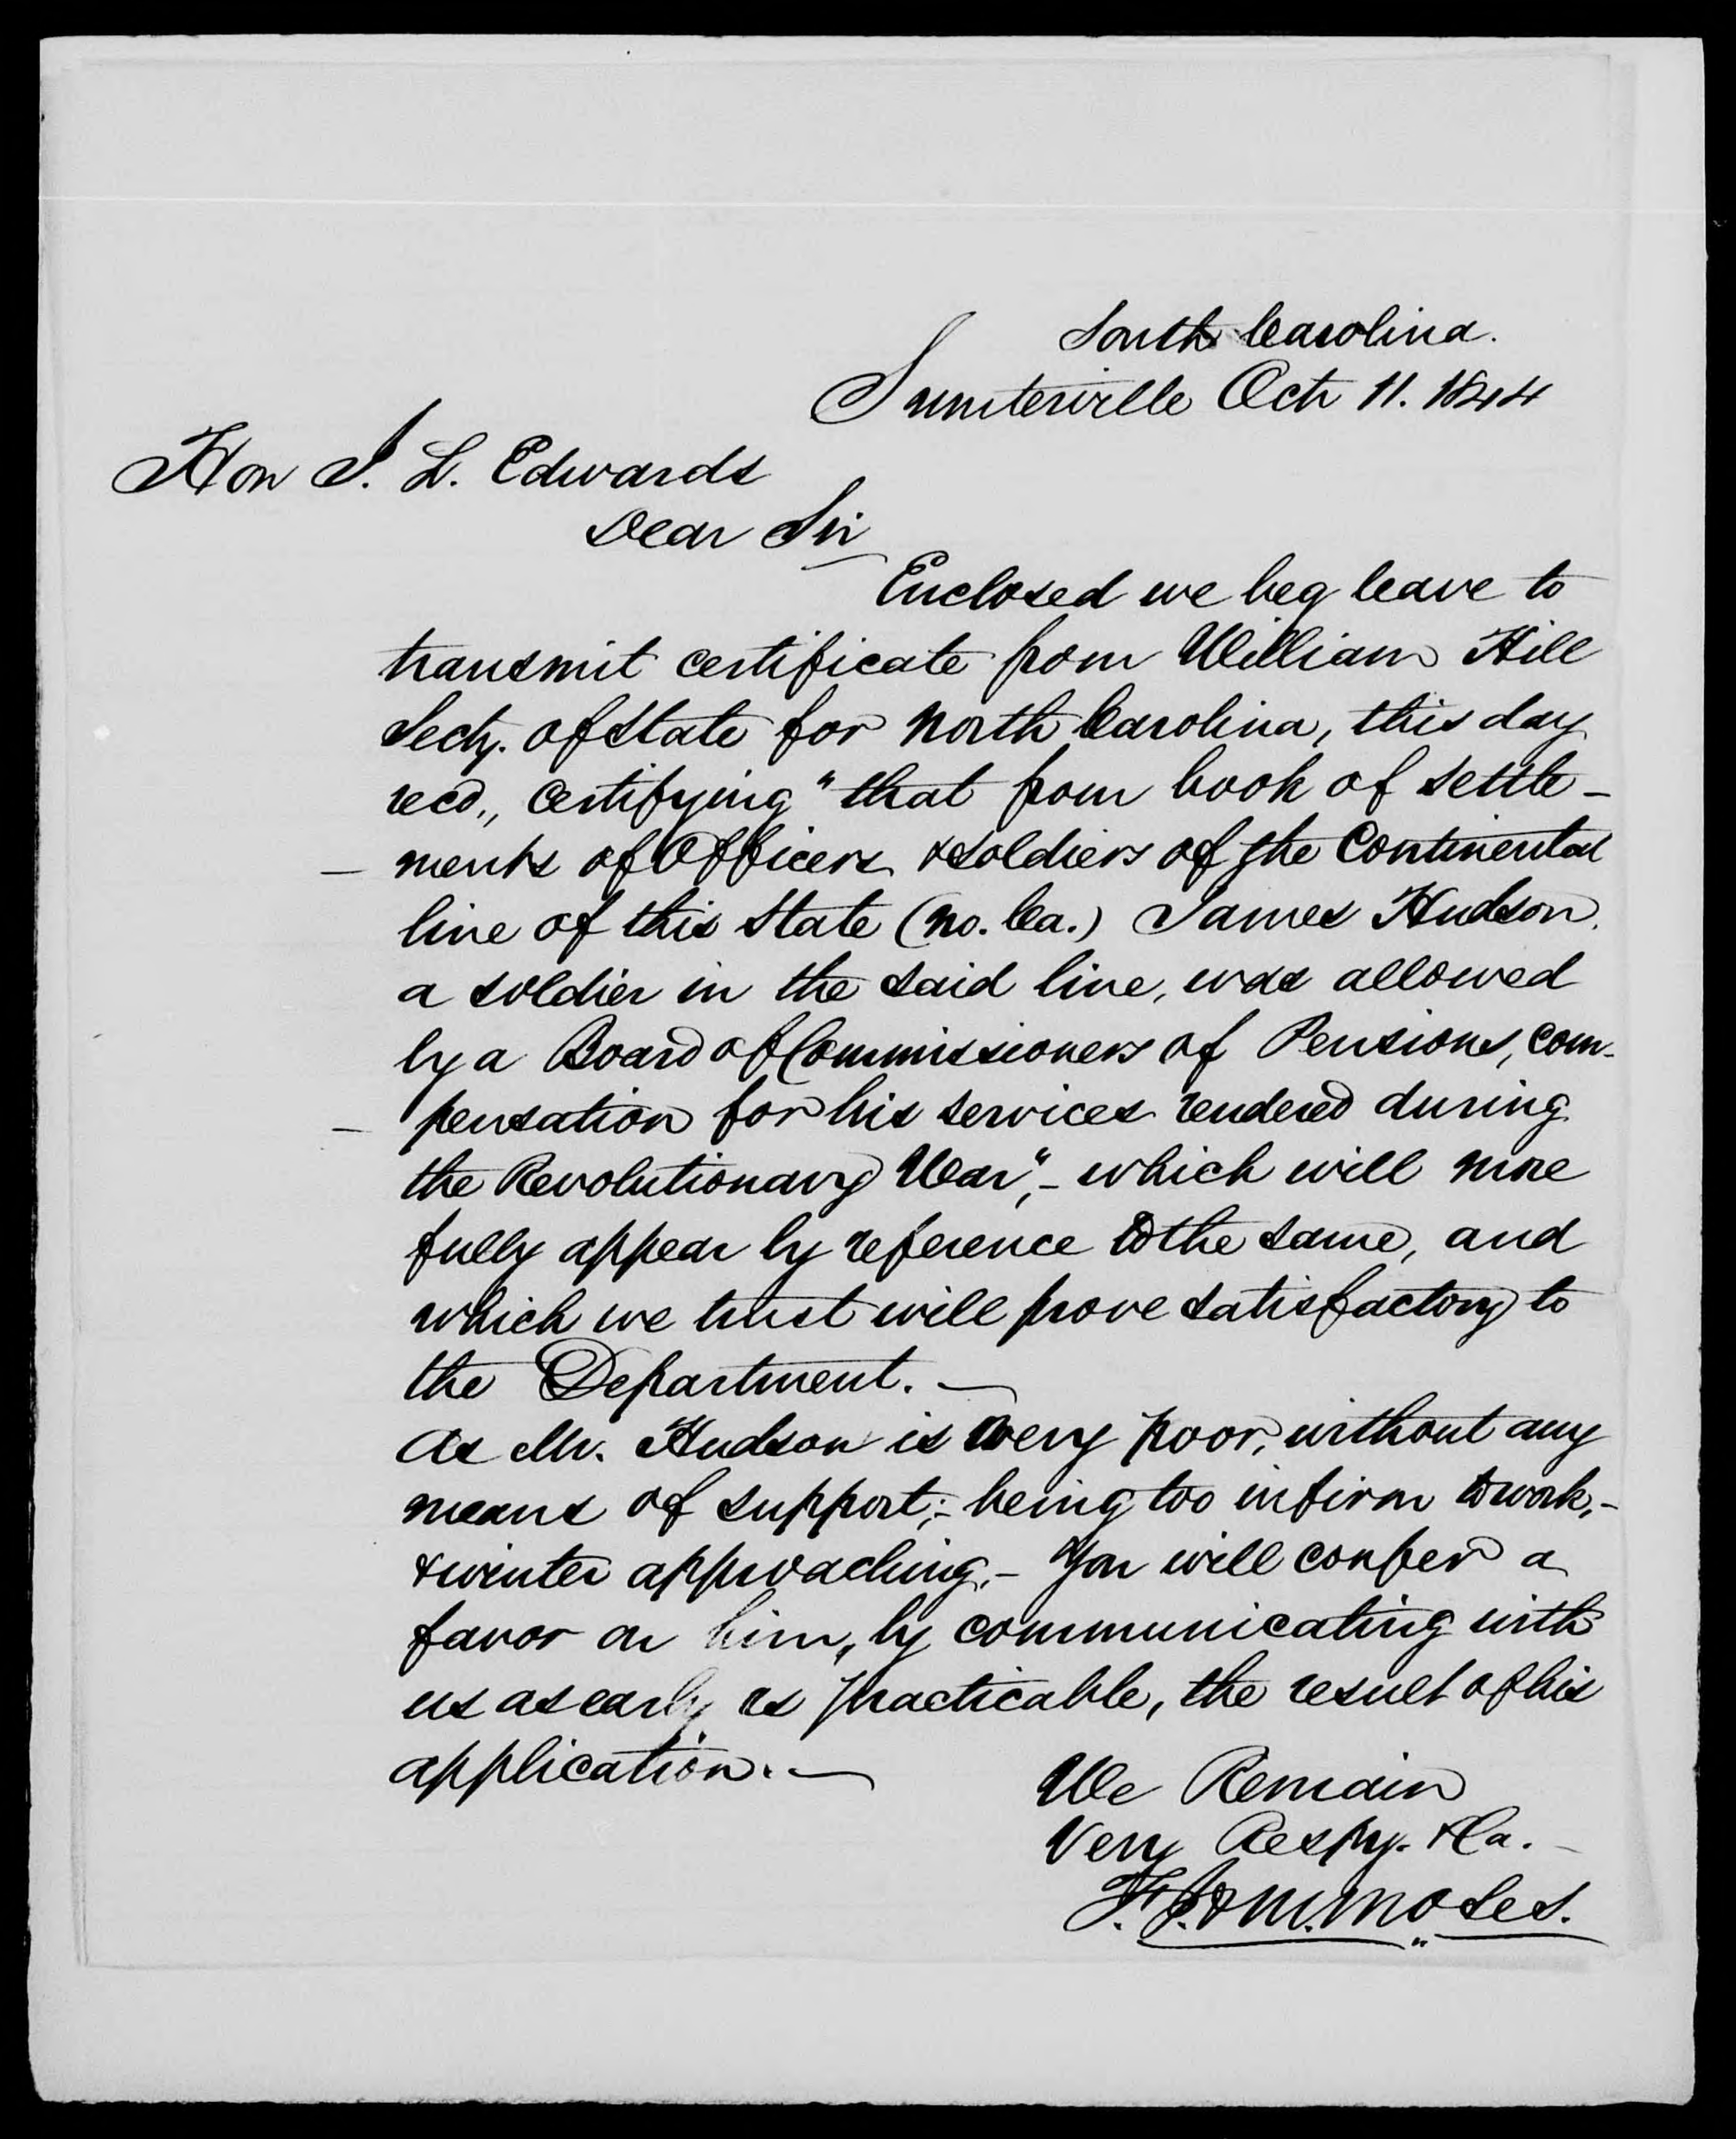South Carolina
Sumterville Oct 11. 1844
Hon. J. L. Edwards
Dear Sir
Enclosed we beg leave to transmit certificate from William Hill Secty. of State for North Carolina, this day recd., certifying that four book of settlements of officers soldiers of the Continental line of this State (no. Ga.) James Hudson, a soldier in the said line, was allowed by a Board of Commissioners of Pensions, compensation for his services endured during the Revolutionary War; which will more fully appear by reference to the same, and which we trust will prove satisfactory to the Department.
As Mr. Hudson is very poor, without any means of support, being too infirm to work, + winter approaching, you will confer a favor on him by communicating with us as early as practicable, the revised application.
We Remain Respy Ha.
F. J. M. Moses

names: J L Edwards, James Hudson, William Hill, F J M Moses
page: 32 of 33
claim: rejected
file: R. 5334, James Hudson, N.C.